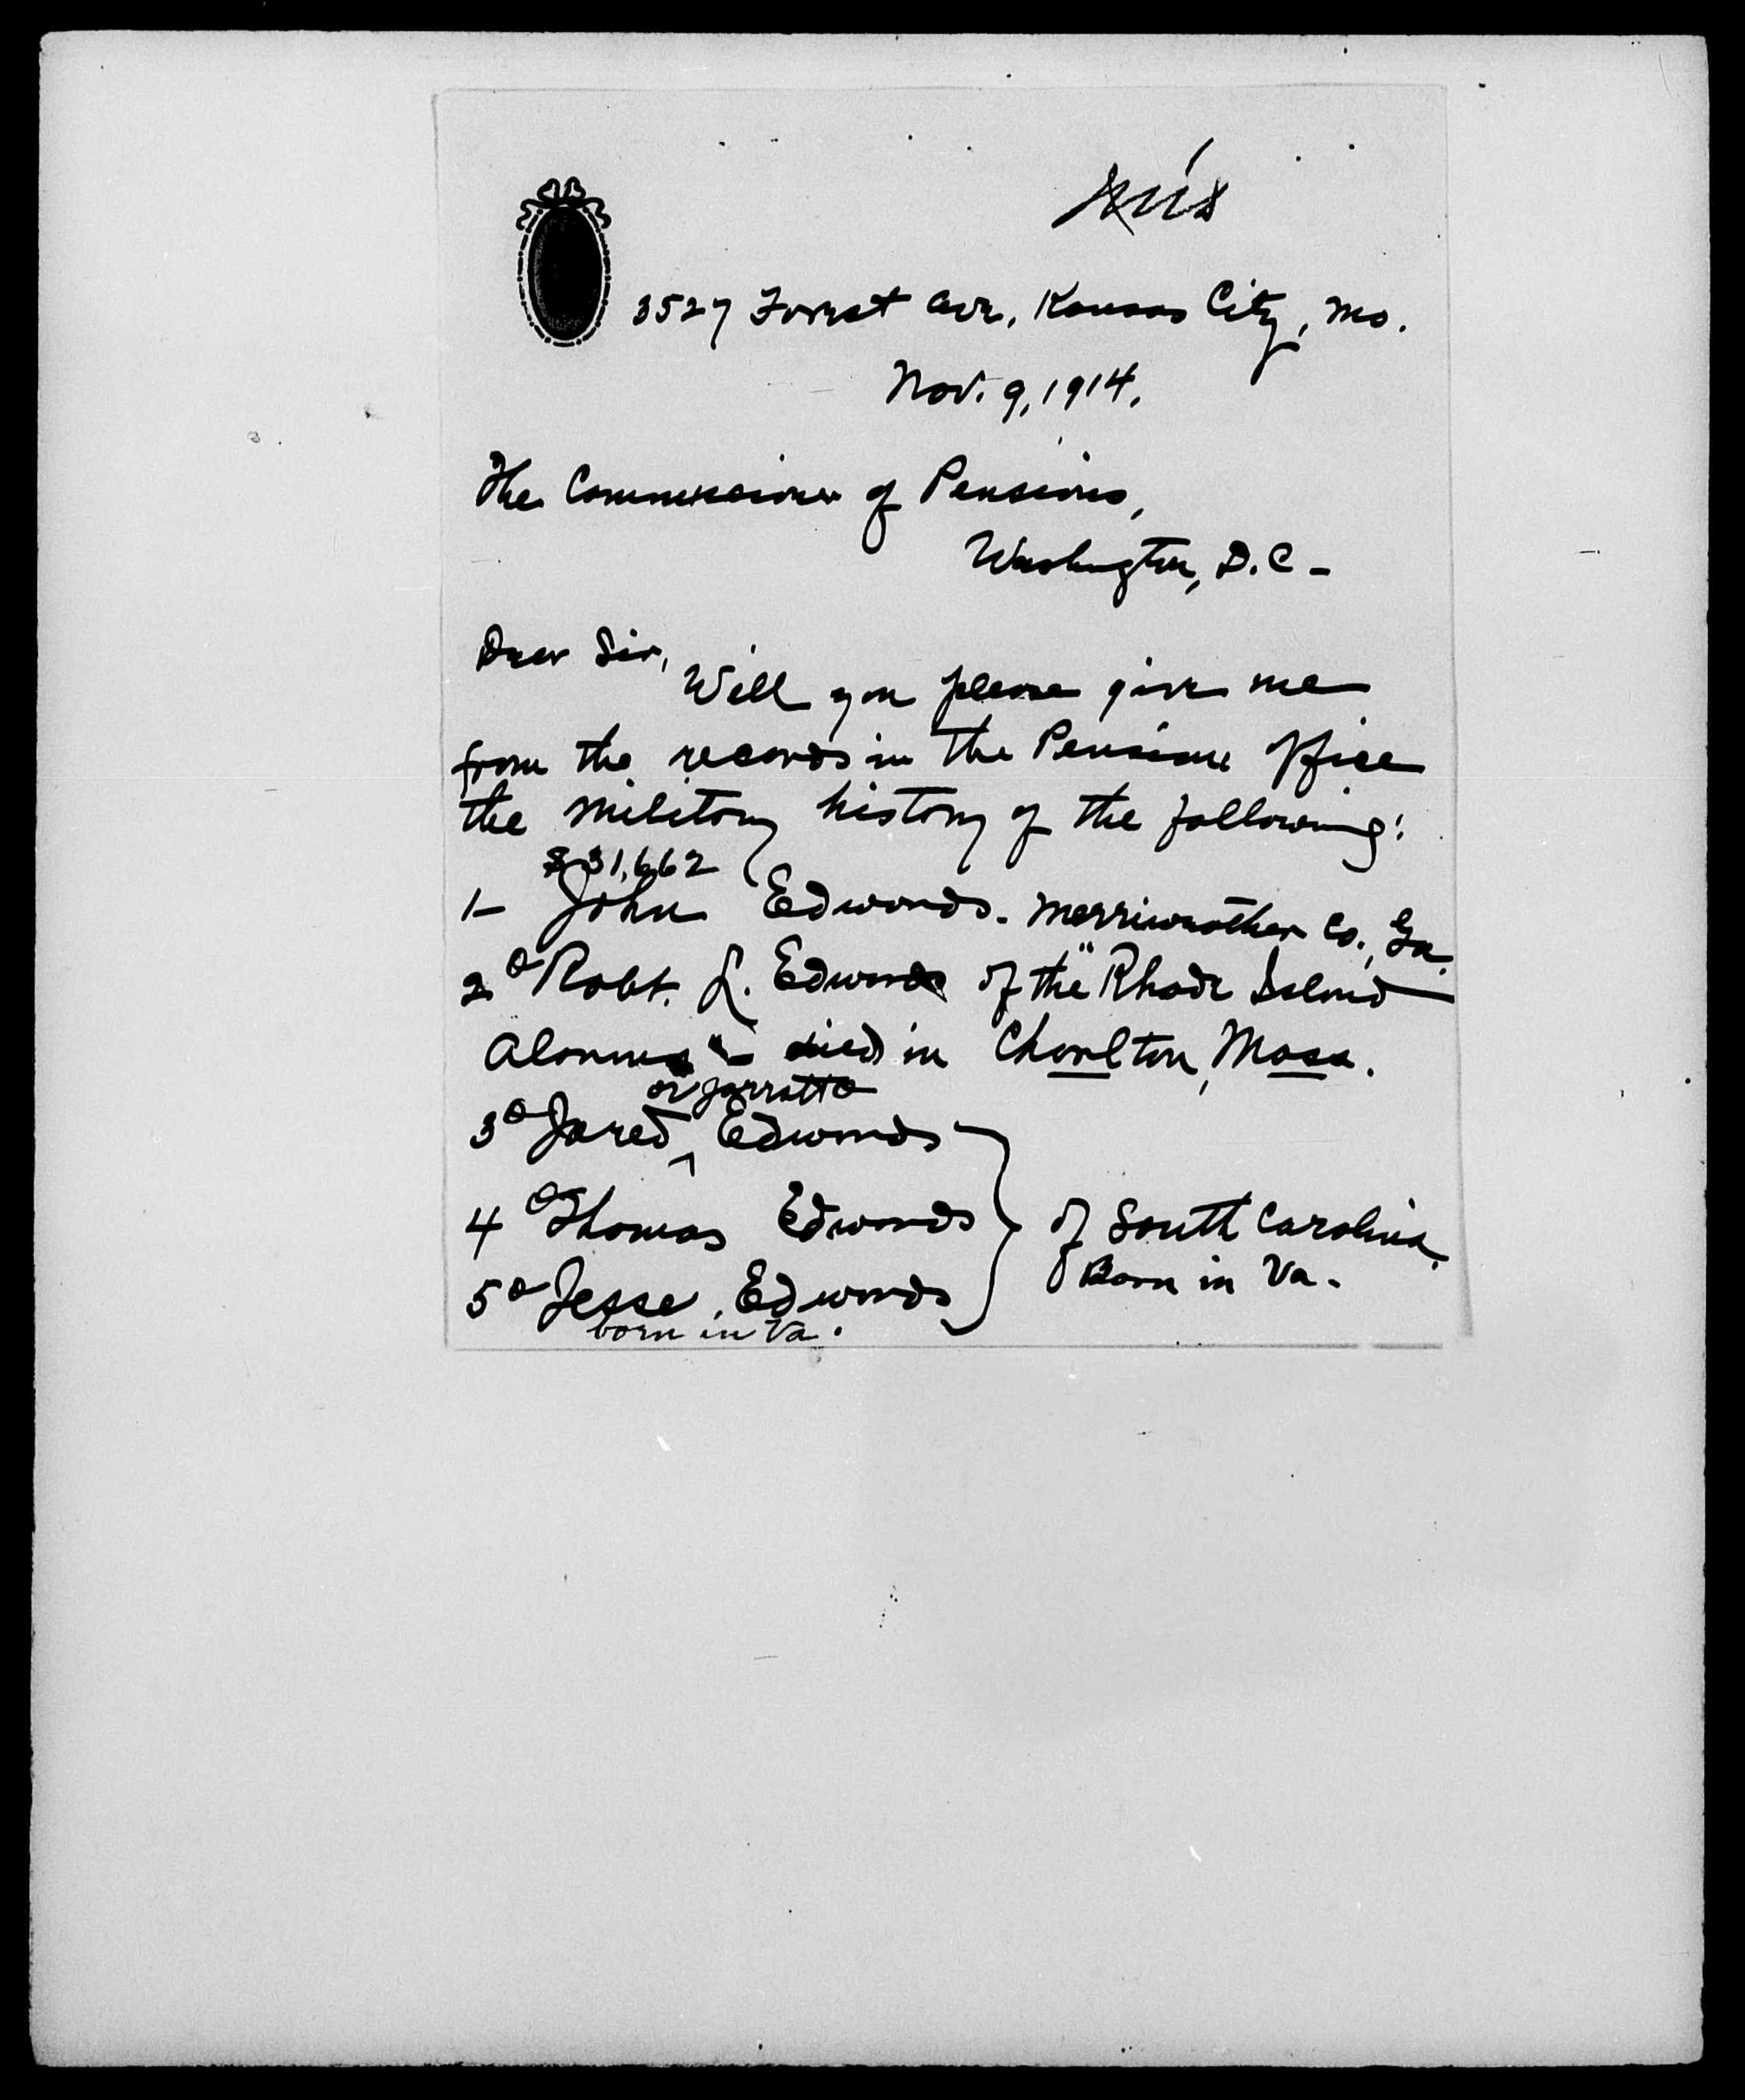3527 Forest Ave. Kansas City, Mo.
Nov. 9, 1914.
The Commissioner of Pensions,
Washington, D.C.

Dear Sir,
Will you please give me from the records in the Pension office the military history of the following:
1 - S 31,662 John Edwards. Merriwether Co., Ga. 
2 Robt. L. Edwards of the "Rhode Island Alarms" died in Charlton, Mass.
{3 Jared or Gorratta Edwards
4 Thomas Edwards
5 Jesse Edwards
born in Va.} of South Carolina Born in Va.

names: Jared Edwards, Robt L Edwards, John Edwards, Jesse Edwards, Jarratto Edwards, Thomas Edwards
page: 42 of 47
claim: survivor's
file: S. 3,322, William Edwards, Va.